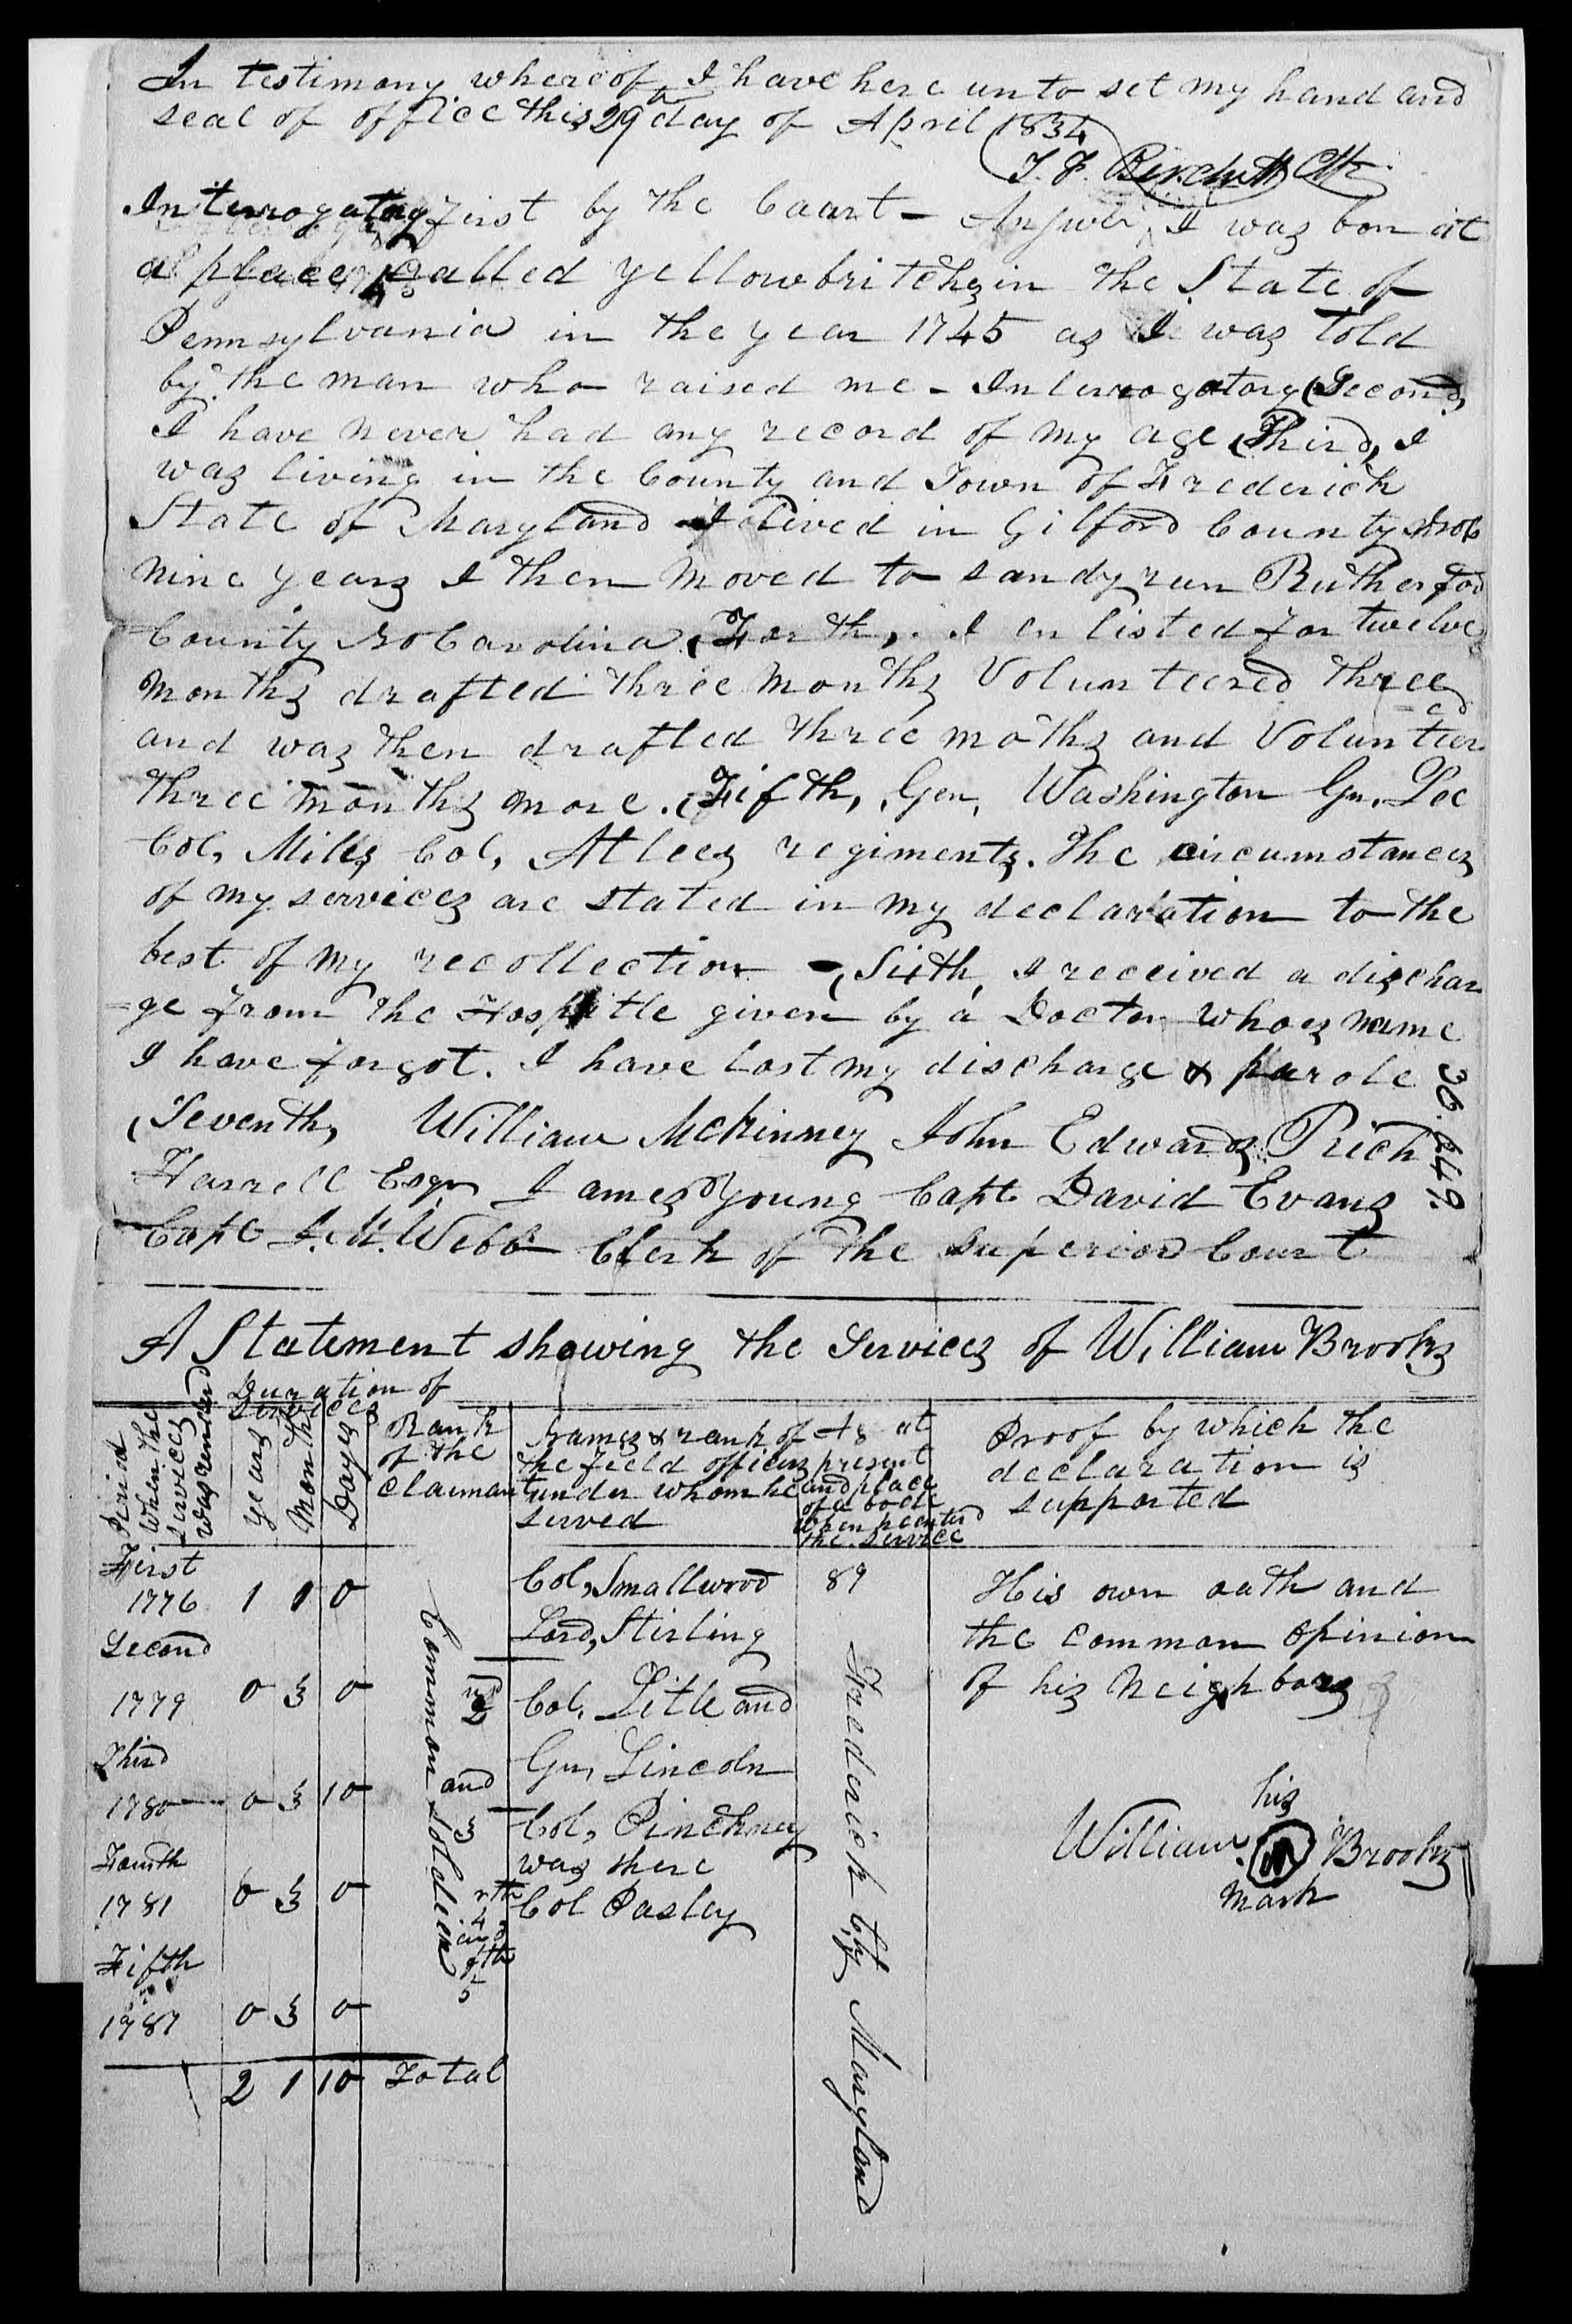.

In testimony whereof I have hereunto set my hand and seal of office this 29 day of April 1834
J. F. Birchett Clk
Interrogated first by the Court-- he was born at a place called yellowbritches  in the State of
Pennsylvania in the year 1745 as I was told
by the man who raised me
 Interrogatory second I have never had any record of my age (Third I was living in the County and Town of Frederick State of Maryland lived in Gilford County about 
nine years I then moved to Sandy run Rutherford County N Carolina for the enlisted for twelve months drafted three months volunteered three al
and was then drafted three months and Volunteer three months more. Fifth, Gen. Washington G. Lee Col. Miles Col Atlees regiments. The circumstances of my services are stated in my declaration to the best of my recollection Sixth, I received a discharge
from the Hospitle given by a Doctor whos name I have forgot. I have lost my discharge & parole Seventh, William McKinney John Edward Rich Harrell Esq. James Young Capt David Evans Capt J. Webb Clerk of the Superior Court
-
A Statement showing the services of William Brooks

Period when the service was rendered
First 1776 1 0 0
Second  1779 0 30
Third 1780 0 3 10
Fourth 1881 0 3 0
Fifth 1781 0 3 0
      21 10 Total
Rank of the  claimant
 Common soldier
age at present and place of abode when entered  the service
 89 Frederick Cty Maryland

Names & rank of
 the field officers present
Col. Smallwood
Lord, Stirling
Col. Litle and
Gen. Lincoln 
 Col, Pinckney
 was there
Col Pasley

proof by which the
declaration is supported 
His own oath and
the common opinion
of his neighbors
William C Brooks   his mark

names: William Mc Kinney, Rich Harrell, William Brooks, Lee, Pinckney, Pasley, T F Birchett, John Edwards, Washington, William Brooks, Lincoln, Litle, James Young, J M Webb, Miles, Small Wood, David Evans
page: 6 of 17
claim: survivor's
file: S. 6717, William Brooks, Md. N.C.